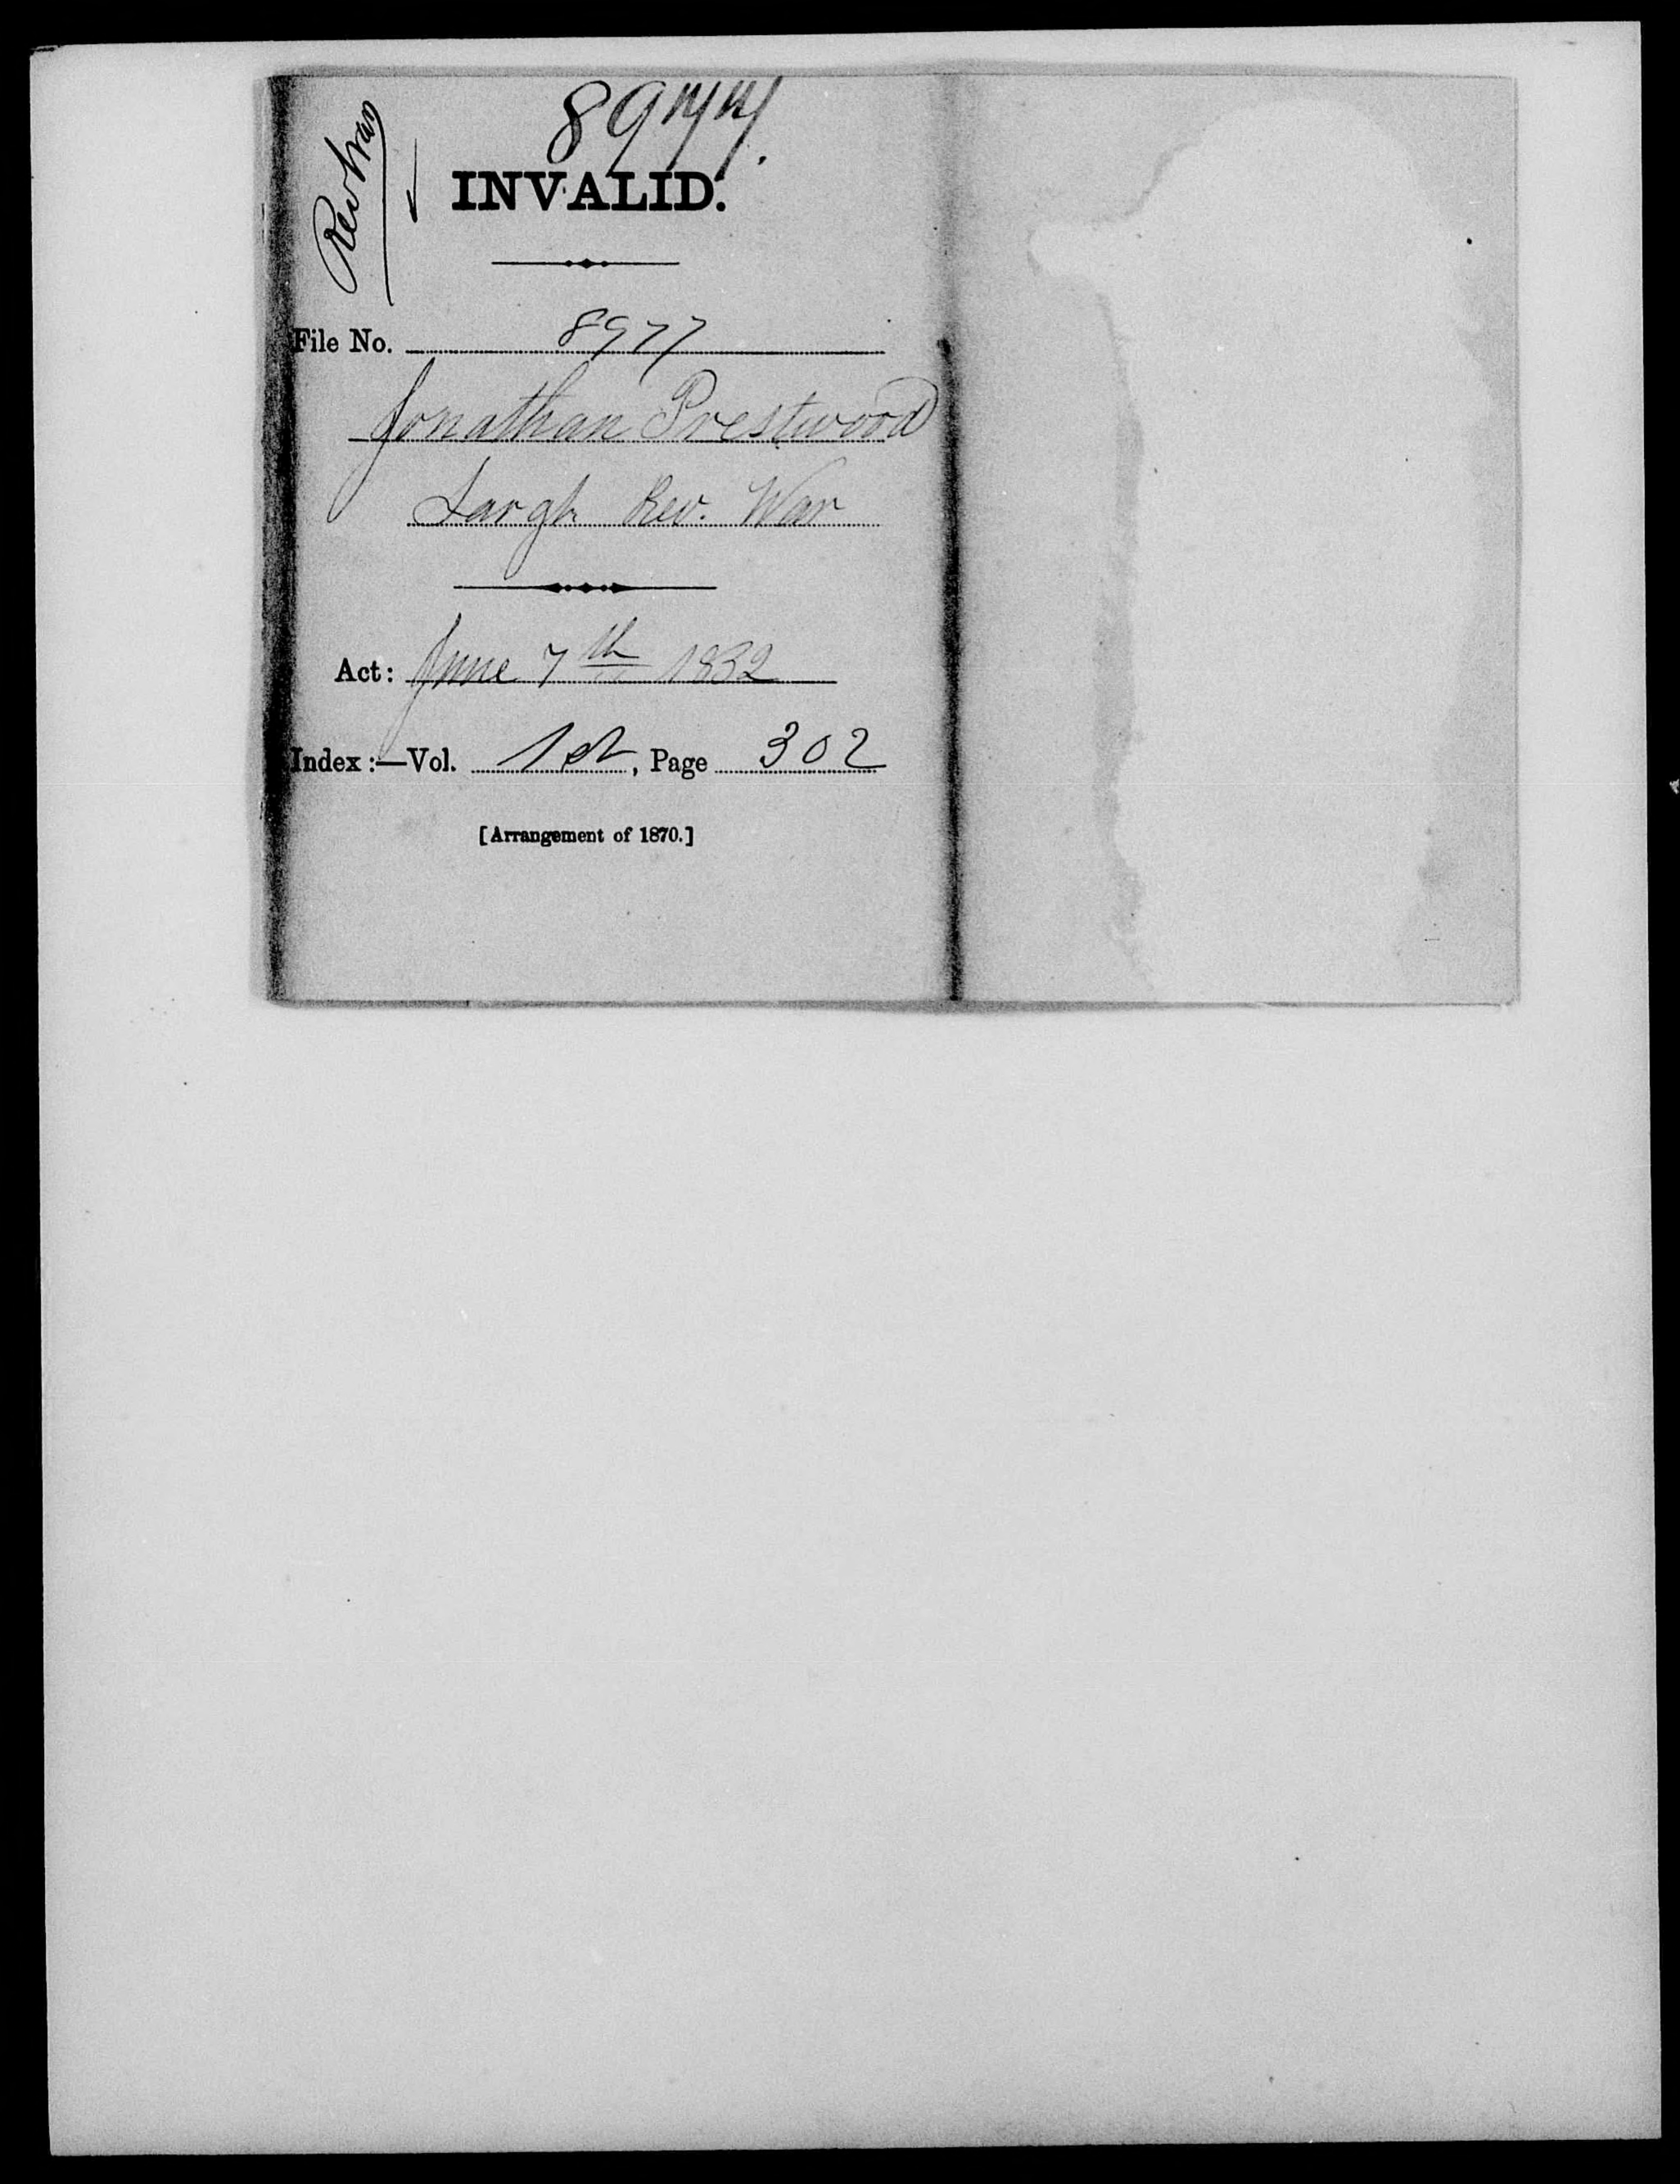8977 
Rev War INVALID.
File No. 8977
Jonathan Prestwood
Sargt Rev. War
Act: June 7th 1832
Index: -- Vol. A, Page 302
{Arrangement of 1870.}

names: Jonathan Prestwood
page: 9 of 13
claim: survivor's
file: S. 8,977, for Jonathan Prestwood, South Carolina